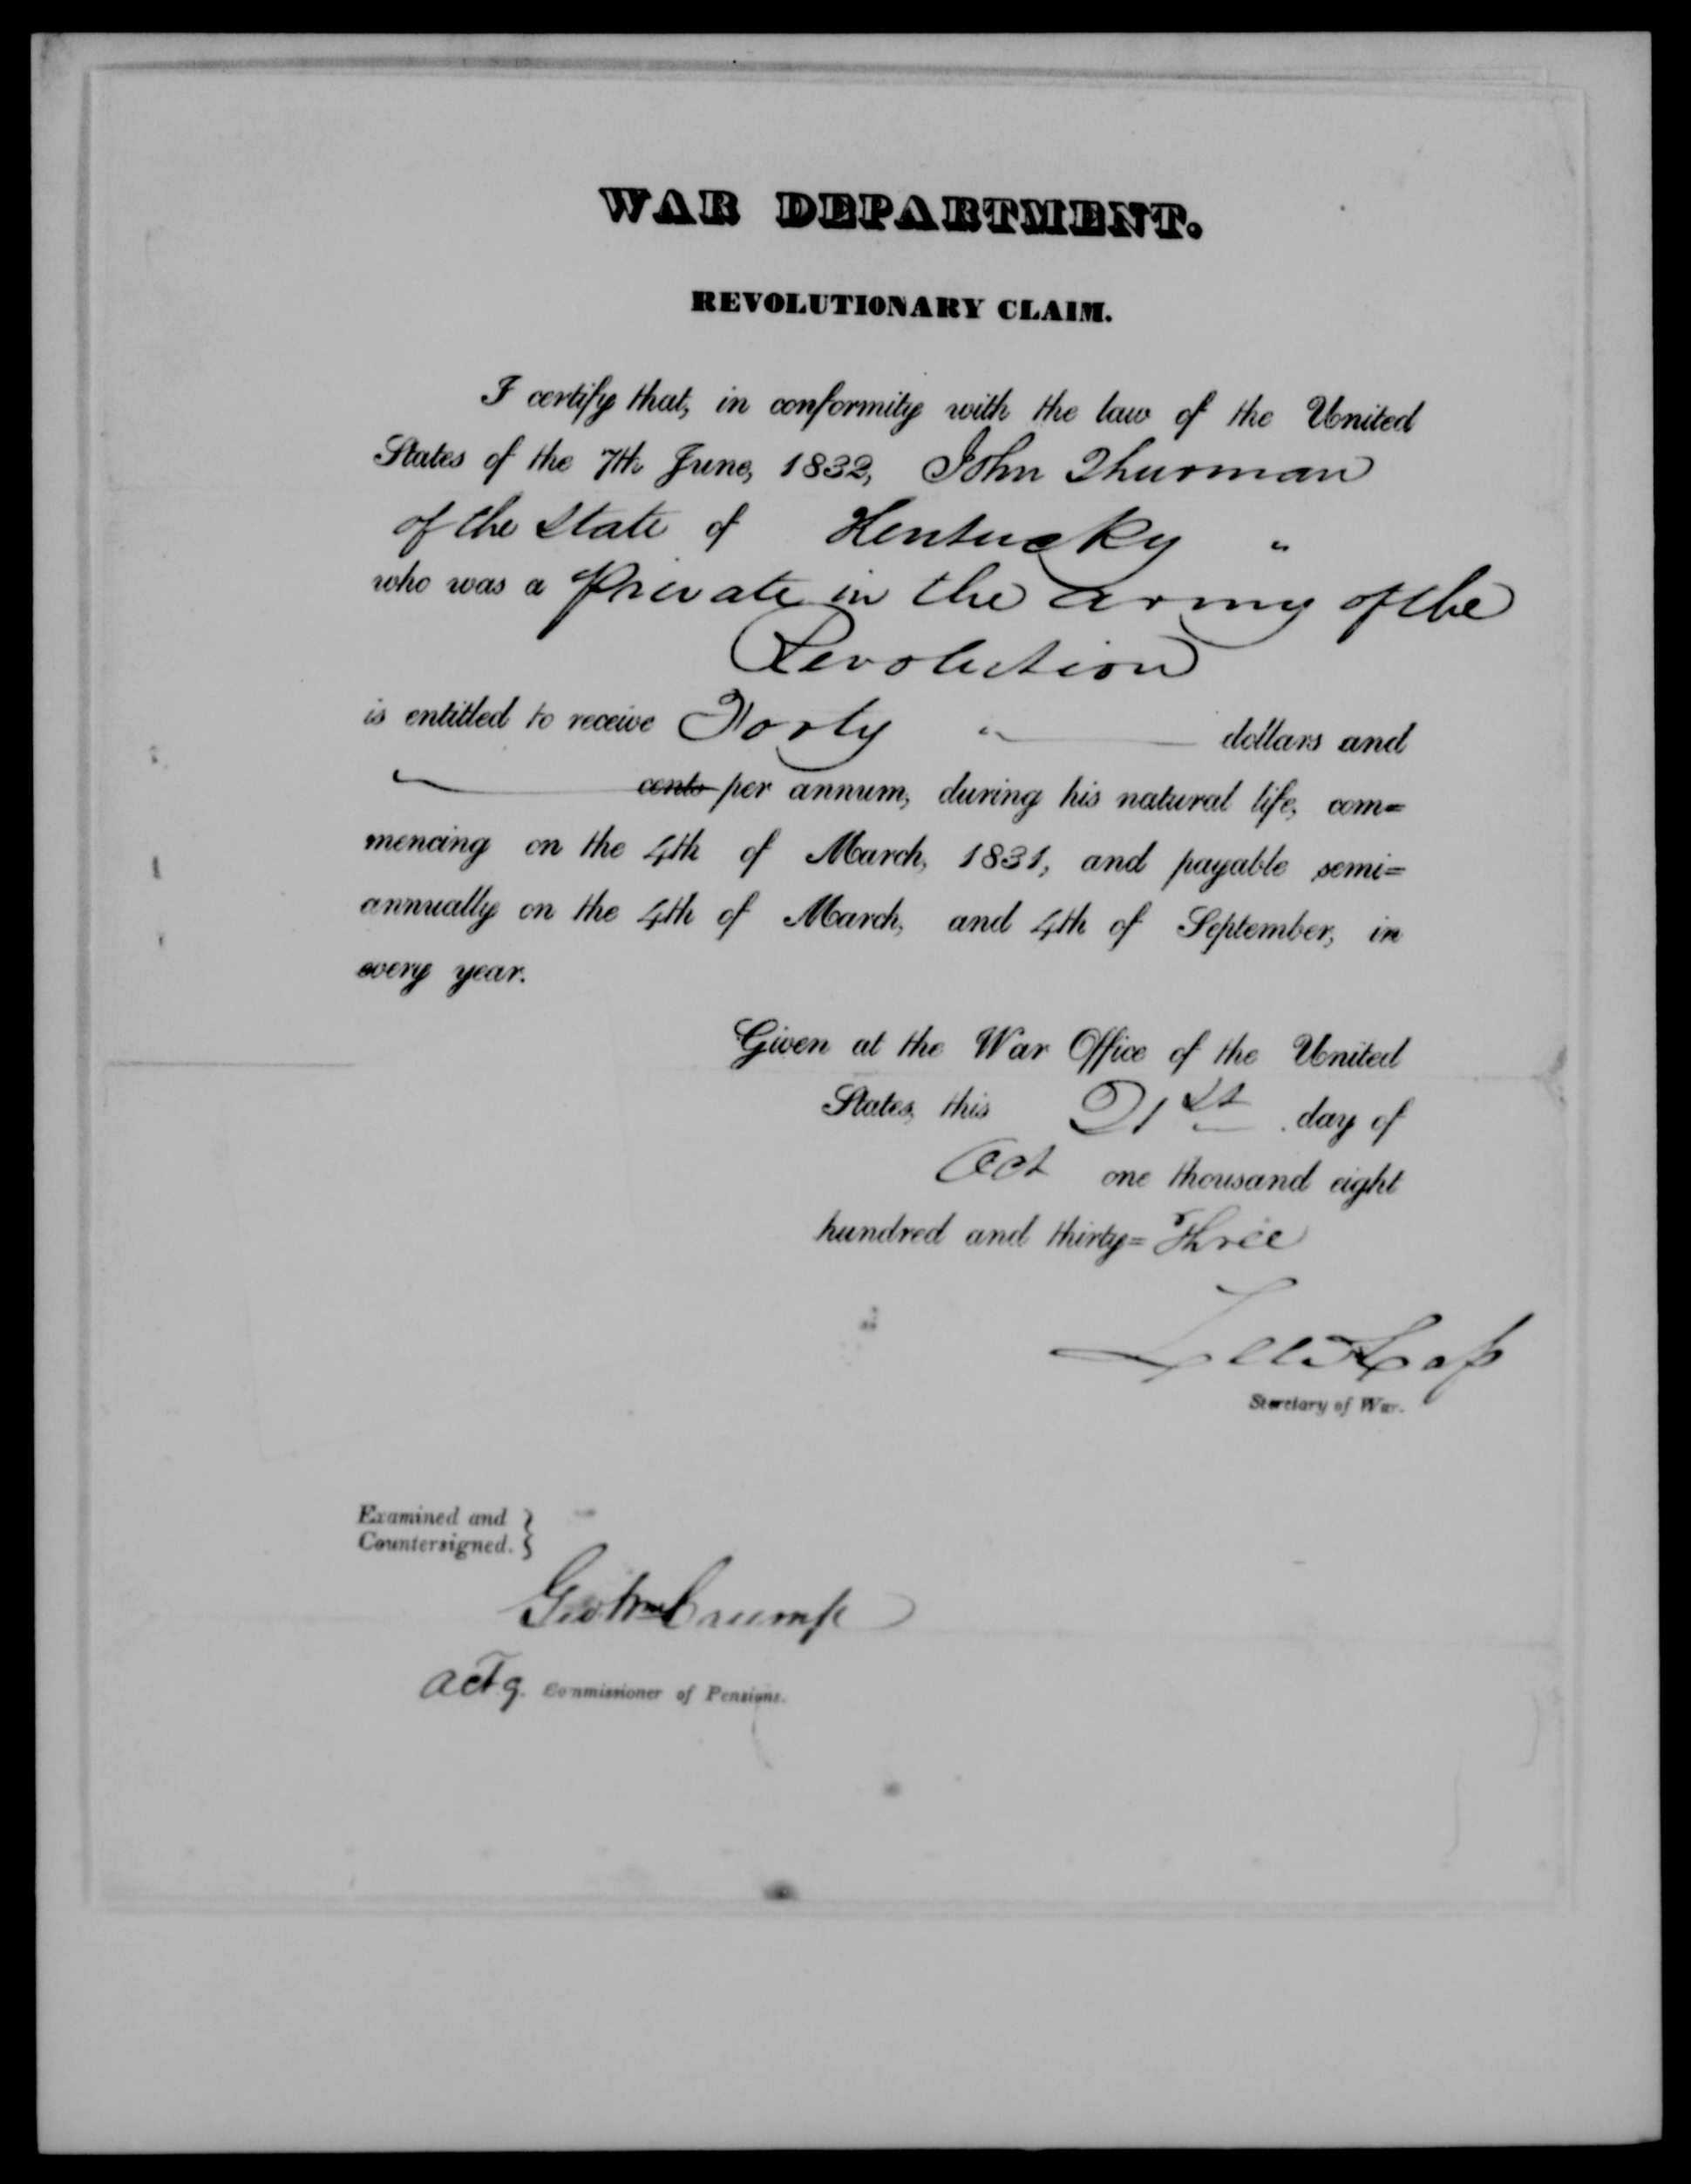WAR DEPARTMENT. REVOLUTIONARY CLAIM. I certify that , in conformity with the law of the United States of the 7th June 1832, John Thurman of the State of Kentucky who was a Private in the army of the Revolution is entitled to receive Forty dollars per annum , during his natural life, commencing on the 4th of March  1831, and payable semi - annually on the 4th of March,  and 4th September, in every year. Given at the War Office of the United States this 21st day of Oct one thousand eight hundred and thirty three Lew Cass ( signed ) Secretary of War.  { Examined and Countersigned. } Geo. Wm Crump ( signed )  Actg Commissioner of Pensions.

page: 34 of 53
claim: widow's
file: W. 6,267, for John Thurman, Georgia